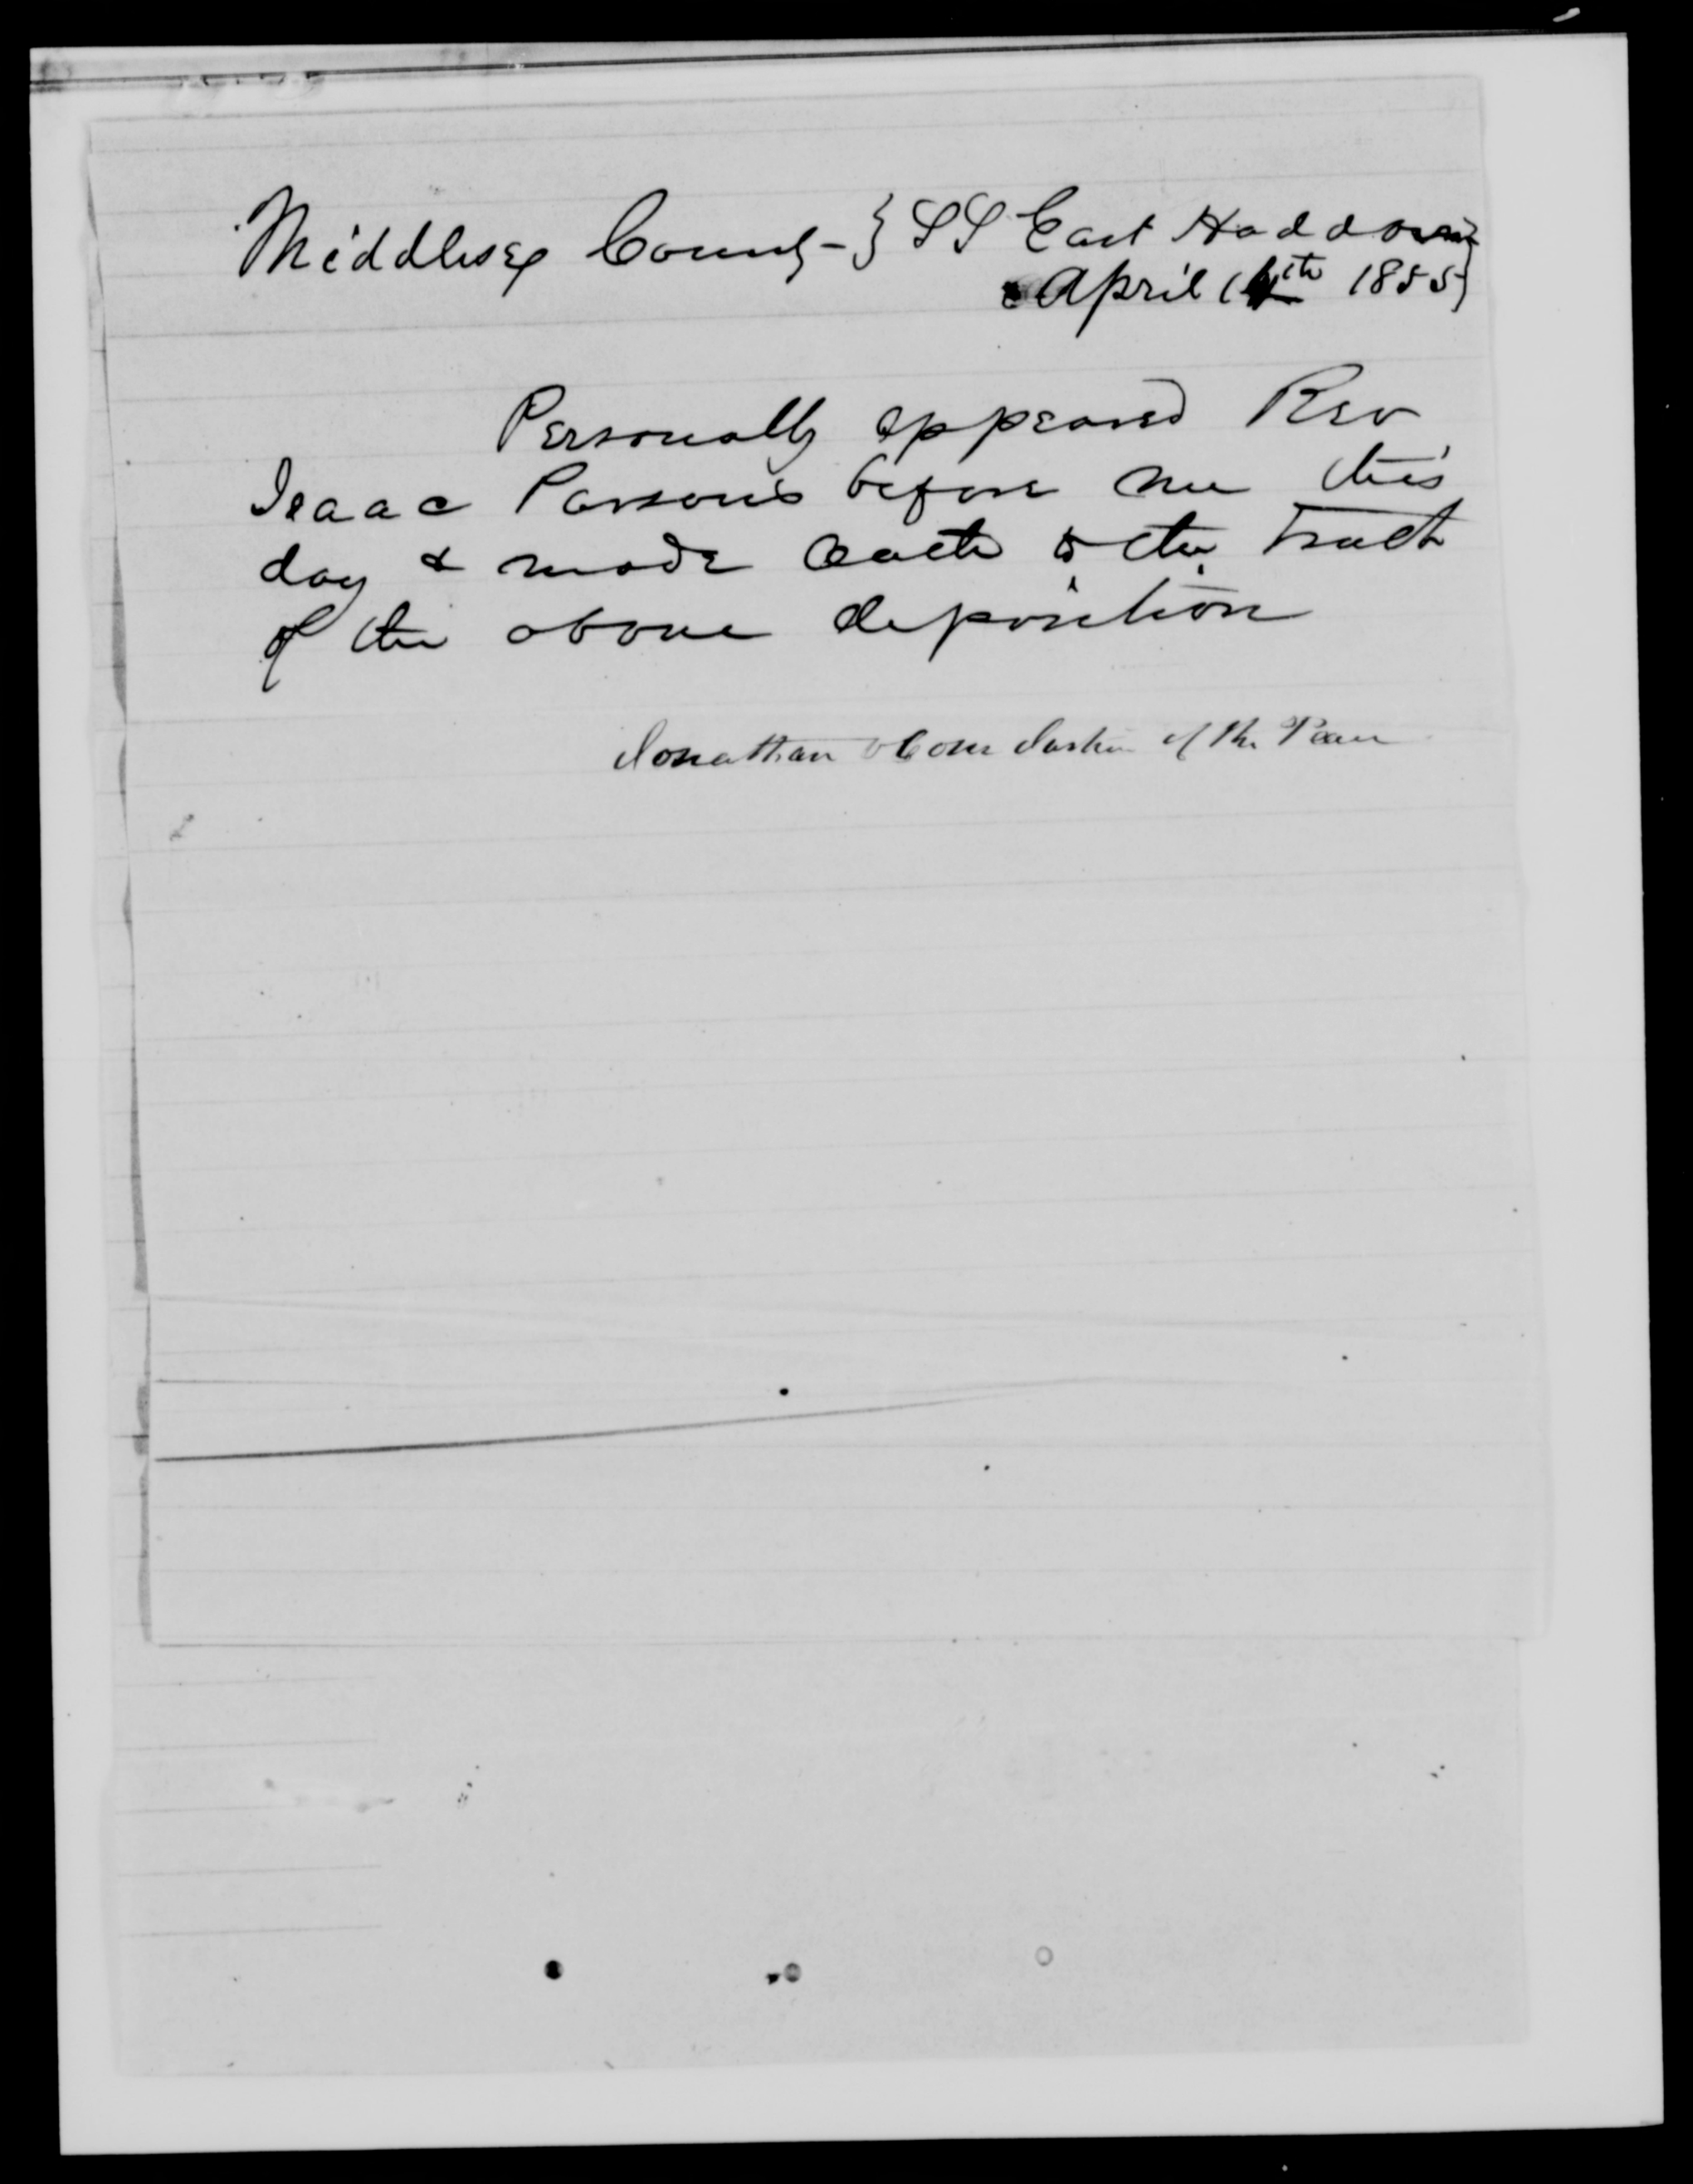Middlesex County ⎬ SS East Haddon
April 1?th 1855
Personally appeared Rev
Isaac Persons before me this
day & made oath to the truth
of the above deposition
Jonathan [Illegible] Justice of the Peace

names: Isaac Parsons, Jonathan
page: 28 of 50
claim: widow's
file: W. 25,969, Philip White, Conn.